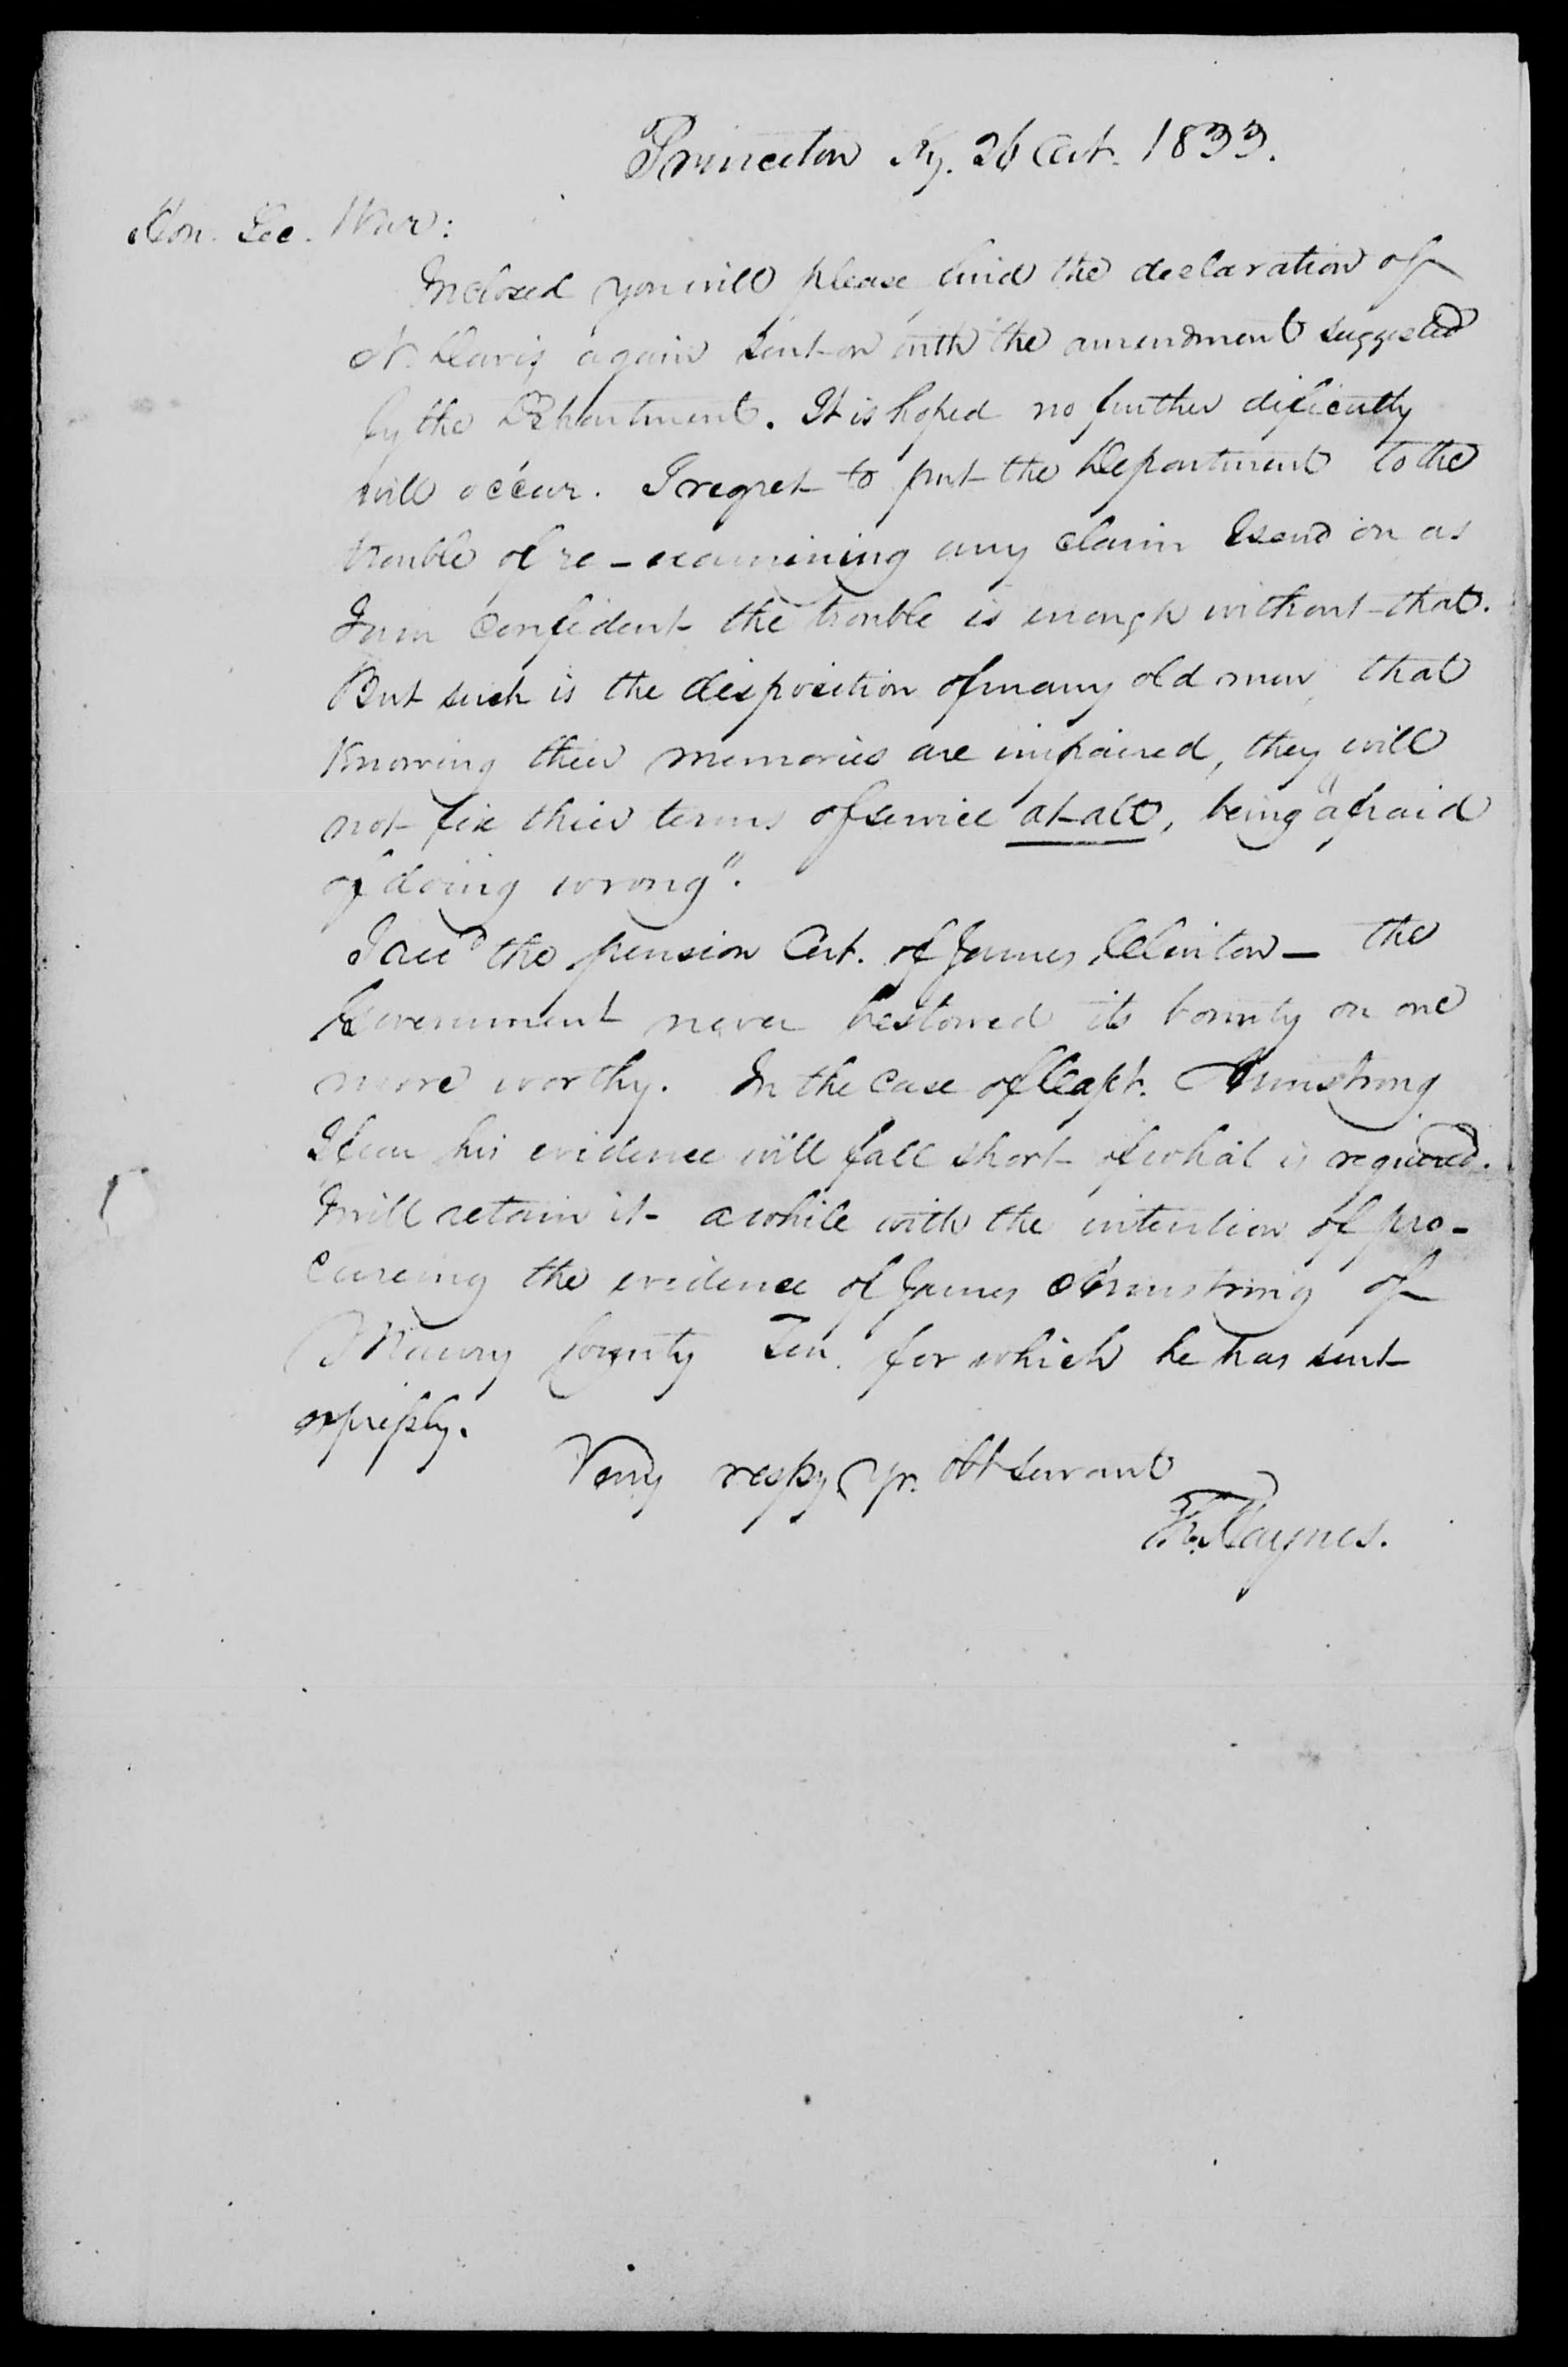Princeton Ky. 26 Oct. 1833.
Hon. Sec. War:
Inclosed you will please find the declaration of 
N. Davis, again sent on with the amendment suggested by the Department. It is hoped no further difficulty will occur. I regret to put the Department to the trouble of re-examining any claim I send on as I am confident the trouble is enough without that.
But such is the disposition of many old men, that Knowing their memories are impaired, they will not fix their terms of service at all, being "afraid of doing wrong".
I recd the pension Cert. of James Clinton - the Government never bestowed its bounty on one more worthy. In the case of Capt. Armstrong I fear his evidence will fall short of what is required.
I will retain it a while with the intention of procuring the evidence of Greene Armstrong of Maury County Ten. for which he has sent expressly.
Very respy Yr. obt Servant
Thos. Haynes.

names: Lee, Thos Haynes, James Armstrong, Armstrong, James Clinton, N Davis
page: 15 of 18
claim: survivor's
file: S. 30,366, Nathaniel Davis, N.C. Va.